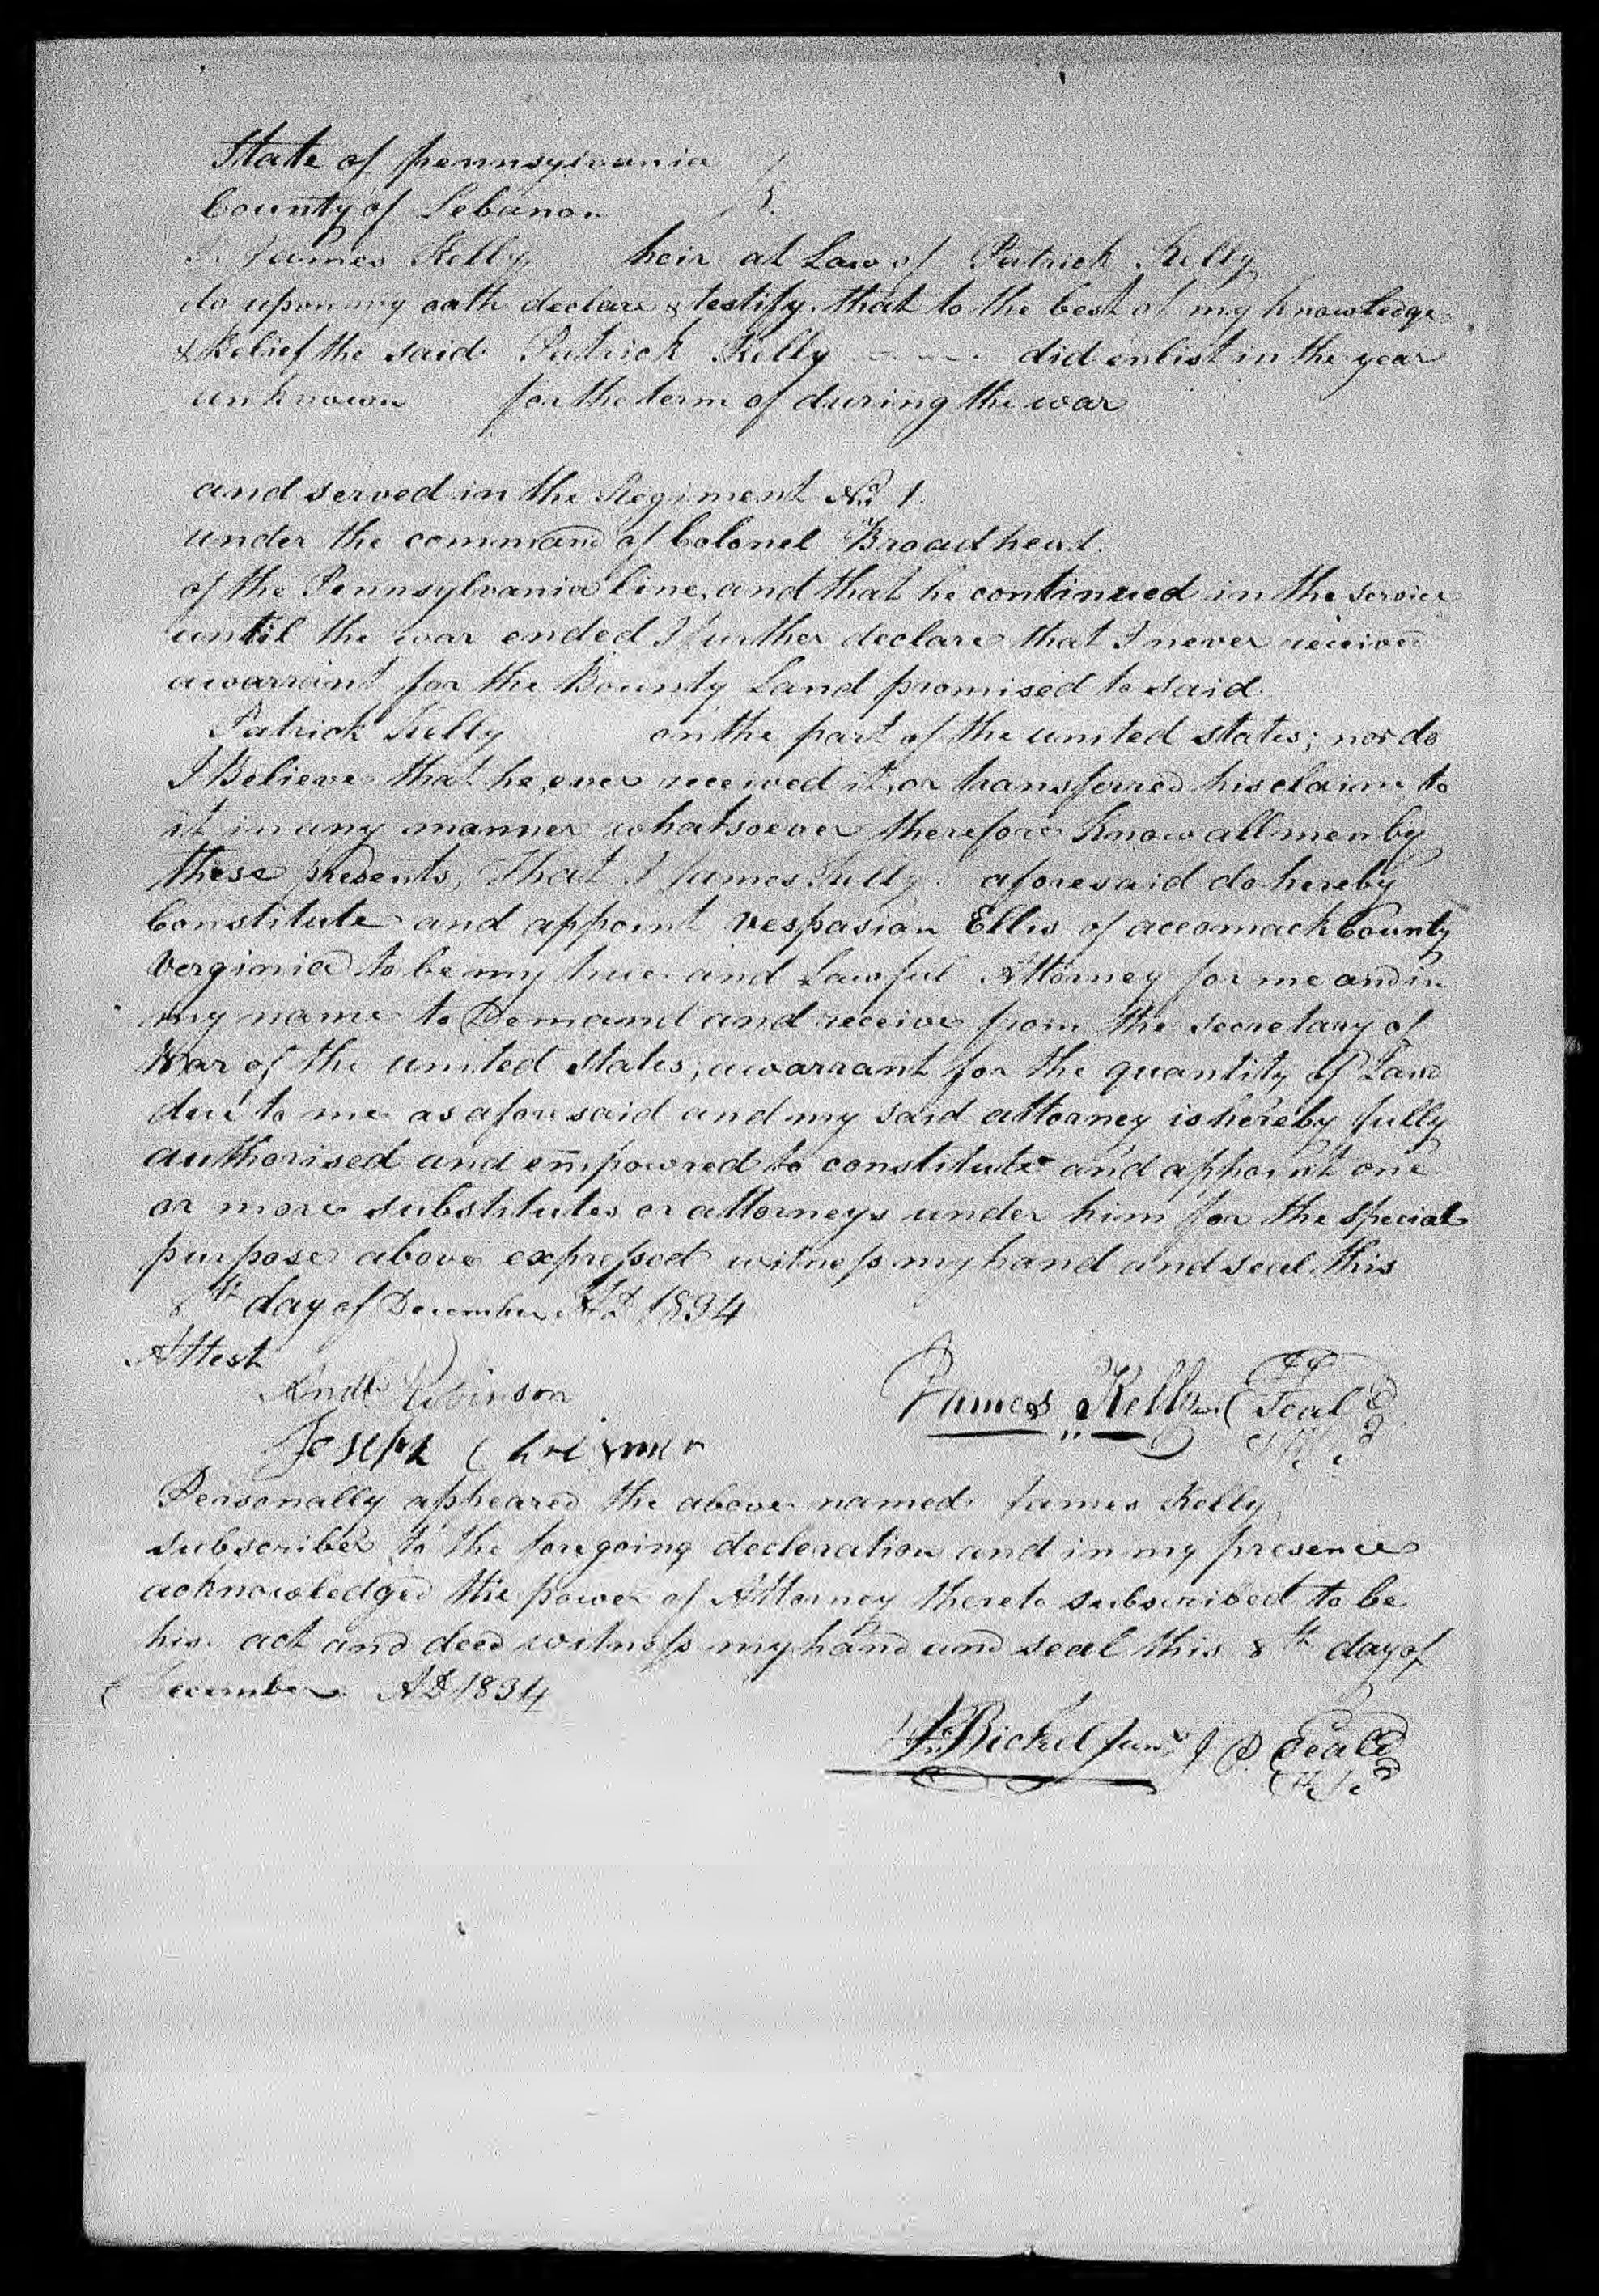State of Pennsylvania
County of Lebanon
I James Kelly heir at Law of Patrick Kelly do upon my oath declare & testify that to the best of my knowledge & belief the said Patrick Kelly did enlist in the year unknown for the term of during the war and served in the Regiment No. 1 under the command of colonel Broadhead of the Pennsylvania line, and that he continued in the service until the war ended.  I further declare that I never received a warrant for the Bounty Land promised to said Patrick Kelly on the part of the United States;  not do I believe that he ever received it, or transferred his claim to it in any manner whatsoever.  Therefore know all men by these presents, that I James Kelly aforesaid do hereby constitute and appoint Vespasian Ellis of Accomack County Virginia to be my true and Lawful Attorney for me and in any name to demand and receive from the Secretary of War of the United States;  a warrant for the quantity of Law due to me as aforesaid and my said attorney is hereby fully authorised (sic) and empowered to constitute and appoint one or more substitutes or attorneys under him for the special purpose above expressed, witness my hand and seal this 8th day of December A.D. 1834.
                   James Kelly (seal)
Attest
Andrew Robinson
Joseph Chrisman
Personally appeared the above named James Kelly subscribe to the foregoing declaration and in my presence acknowledged the power of Attorney thereto subscribed to be his act and deed witness my hand and seal this 8th day of December AD 1834.
                           Jno Bickel Junr. JP  (seal)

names: [BLANK] Broadhead; James Kelly; Patrick Kelly; Andw Robinson; Jno Bickel; Joseph Chrisman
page: 5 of 11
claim: bounty land warrant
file: B. L. Wt. 2110-100, for Patrick Kelly, Pennsylvania